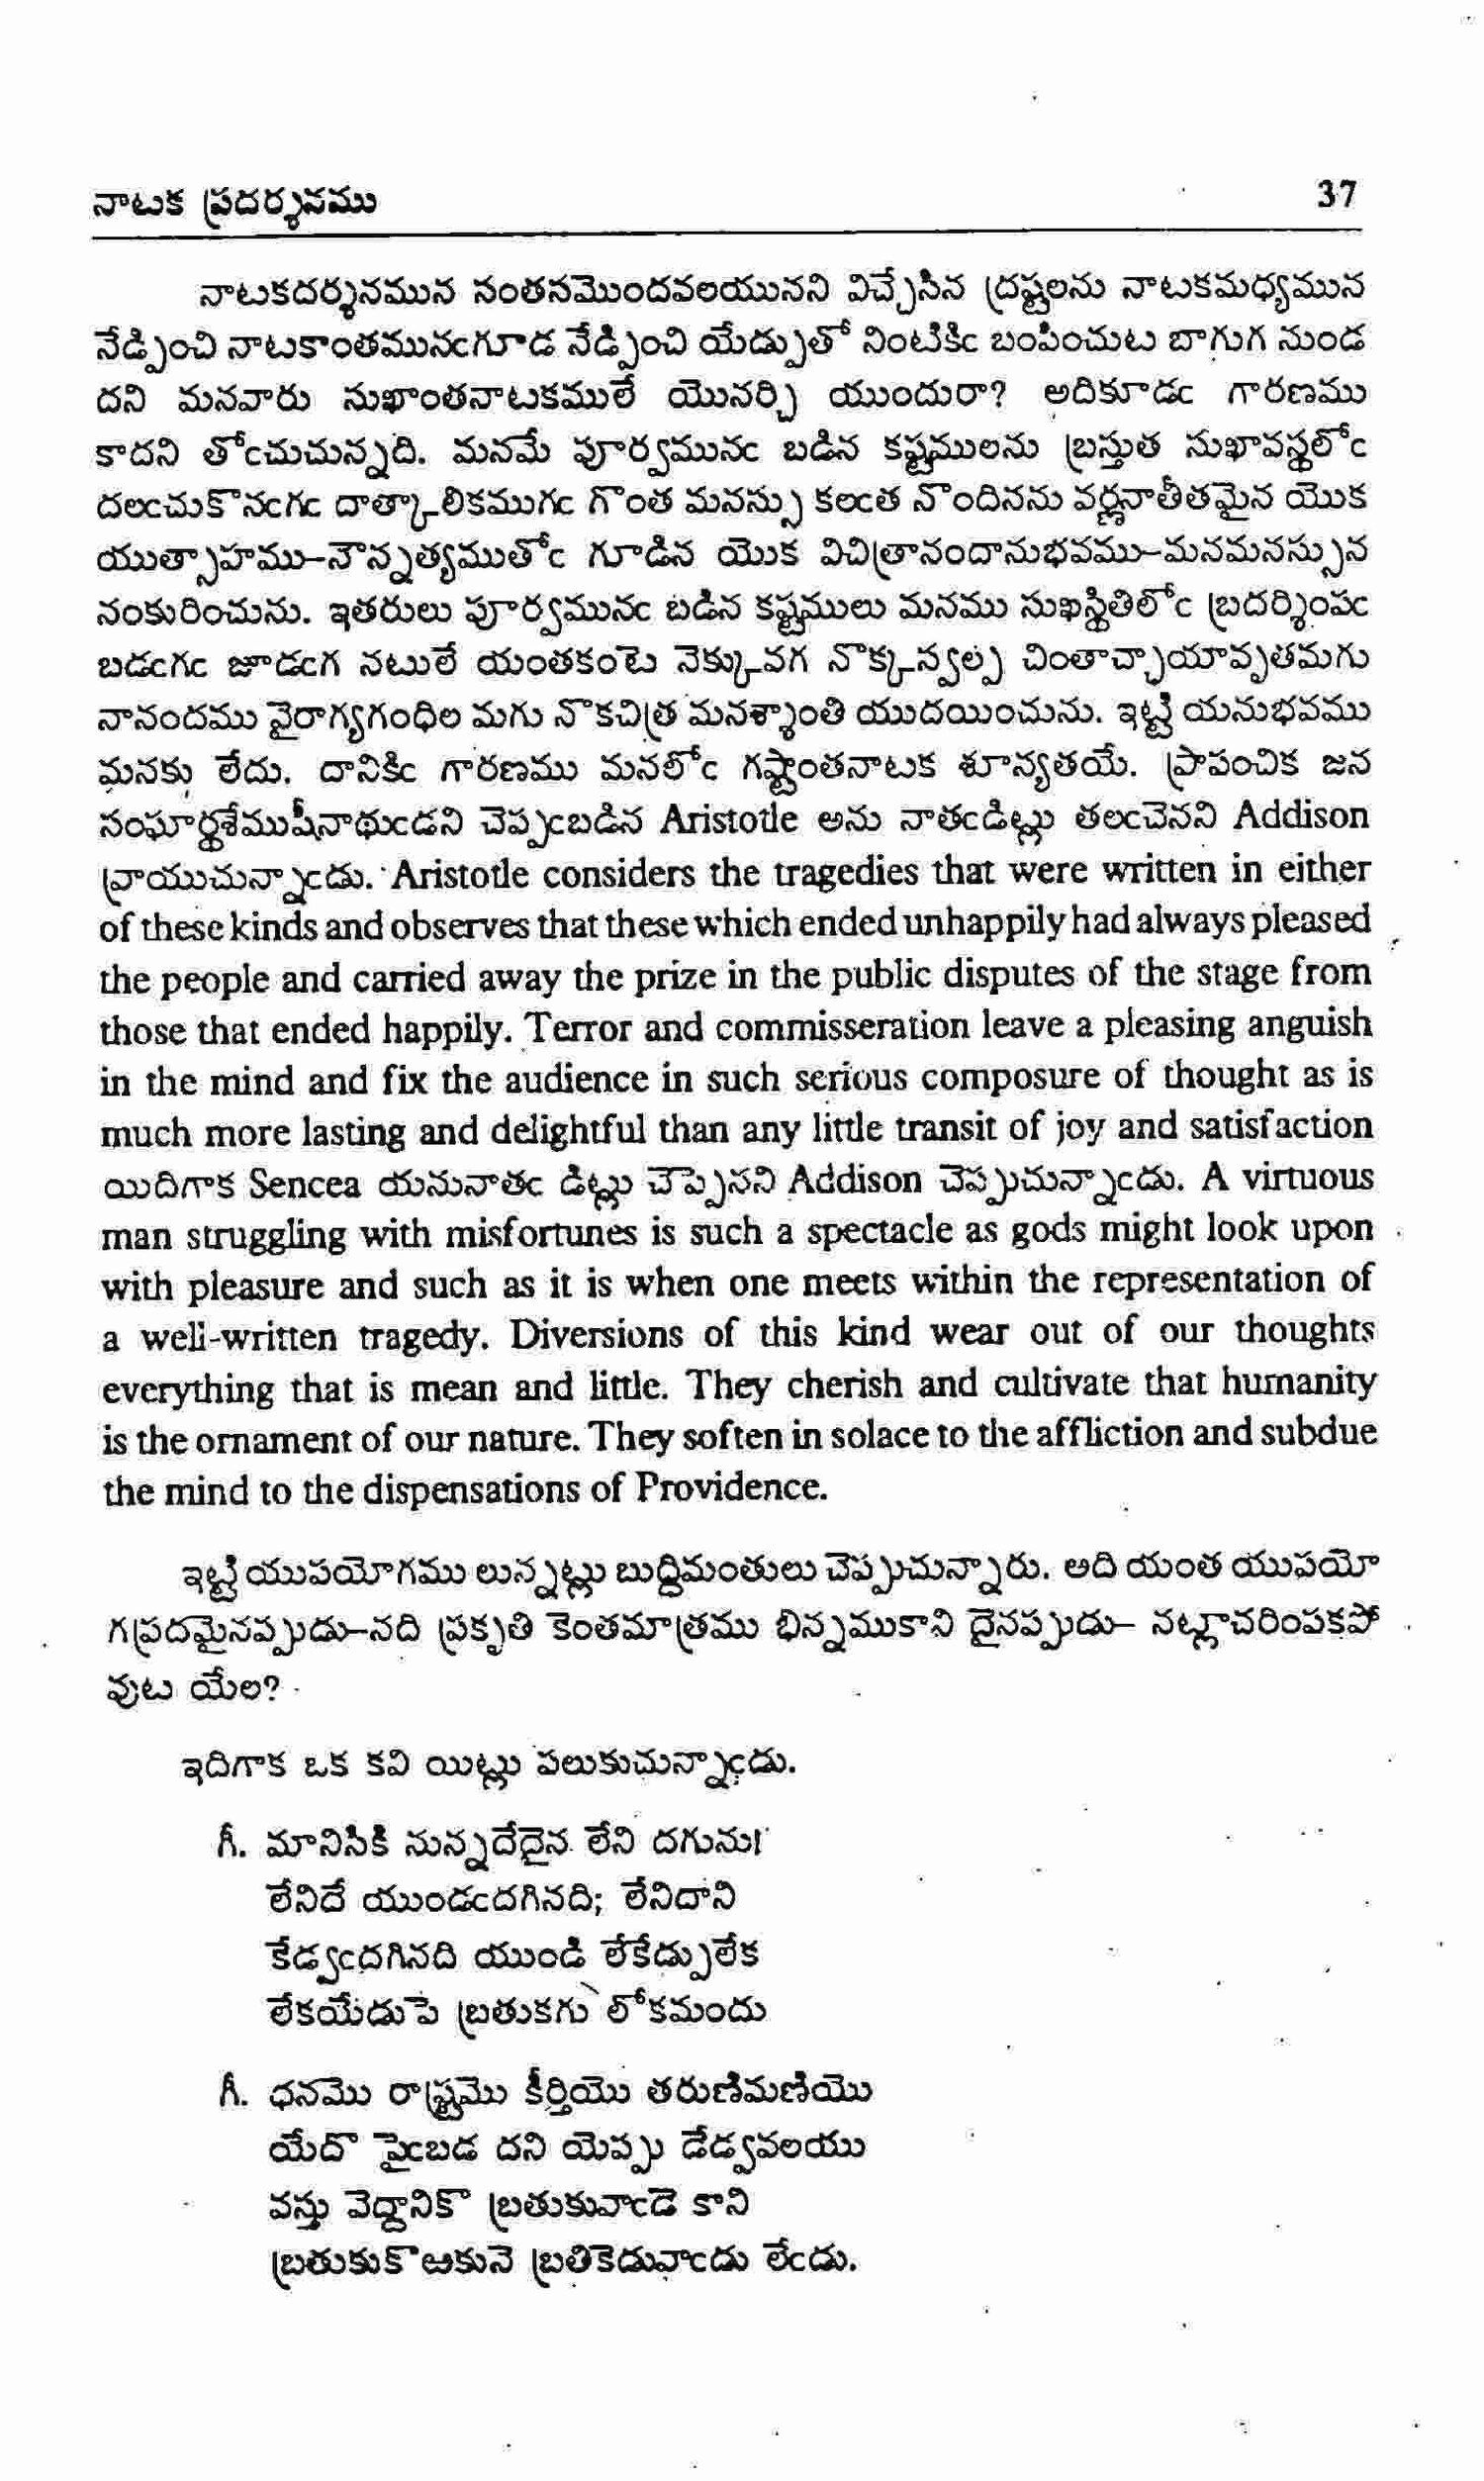నాటకదర్శనమున నంతనమొందవలయునని విచ్చేసిన ద్రష్టలను నాటకమధ్యమున నేడ్చించి నాటకాంతమునఁగూడ నేడ్పించి యేడ్పుతో నింటికిఁ బంపించుట బాగుగ నుండదని మనవారు నుఖాంతనాటకములే యొనర్చి యుందురా? అదికూడఁ గారణము కాదని తోంచుచున్నది. మనమే పూర్వమునఁ బడిన కష్టములను బ్రస్తుత నుఖావస్థలోఁ దలఁచుకొనఁగఁ దాత్కాలికముగఁ గొంత మనస్సు కలఁత నొందినను వర్షనాతీతమైన యొక యుత్సాహము-నౌన్నత్యముతోఁ గూడిన యొక విచిత్రానందానుభవము-మనమనస్సున నంకురించును. ఇతరులు పూర్వమునం బడిన కష్టములు మనము సుఖస్తితిలోఁ బ్రదర్శింపఁ బడఁగఁ జూడఁగ నటులే యంతకంలు నెక్కువగ నొక్కన్వల్ప చింతాచ్చాయావృతమగు నానందము వైరాగ్యగంధిల మగు నొకచి[త్ర మనశ్శాంతి యుదయించును. ఇట్టి యనుభవము మనకు లేదు, దానికిఁ గారణము మనలోఁ గష్టాంతనాటక శూన్యతయే. ప్రాపంచిక జన
సంఘార్హశేముషీనాథుండని చెప్పఁబడిన Aristotle అను నాతండిట్లు తలఁచెనని Addison
వ్రాయుచున్నాఁడు. Aristotle considers the tragedies that were written in either of these kinds and observes that these which ended unhappily had always pleased the people and carried away the prize in the public disputes of the stage from those that ended happily. Terror and commiseration leave a pleasing anguish in the mind and fix the audience in such serious composure of thought as is much more lasting and delightful than any little transit of joy and satisfaction యిదిగాక Sencea యనునాతఁ డిట్లు చెప్పెనని Addison చెప్పుచున్నాఁడు. A virtuous man struggling with misfortunes is such a spectacle as gods might look upon with pleasure and such as it is when one meets within the representation of a well-written tragedy. Diversions of this kind wear out of our humanity is the ornament of our nature. They soften in solace to the affliction and subdue the mind to the dispensations of Providence.

ఇట్టి యుపయోగము లున్నట్లు బుద్దిమంతులు చెప్పుచున్నారు. అది యంత యుపయోగప్రదమైనప్పుడు-నది ప్రకృతి కెంతమాత్రము భిన్నముకాని దైనప్పుడు- నట్లూచరింపక్షపోవుట యేల? 

ఇదిగాక ఒక కవి యిట్లు పలుకుచున్నాండు.

గీ. మానిసికి నున్నదేదైన. లేని దగును!
లేనిదే యుండఁదగినది; లేనిదాని
కేడ్వఁదగినది యుండి లేకేడ్పులేక
లేకయేడుపే బ్రతుకగు లోకమందు

గీ. ధనమొ రాష్టమొ కీర్తియొ తరుణిమణియొ
యేదొ పైంబడ దని యెప్పు డేడ్వవలయు
వస్తు వెద్దానికా బ్రతుకువాఁడె కాని
బ్రతుకుకొఱకునె బ్రతికెడువాఁడు లేఁడు.